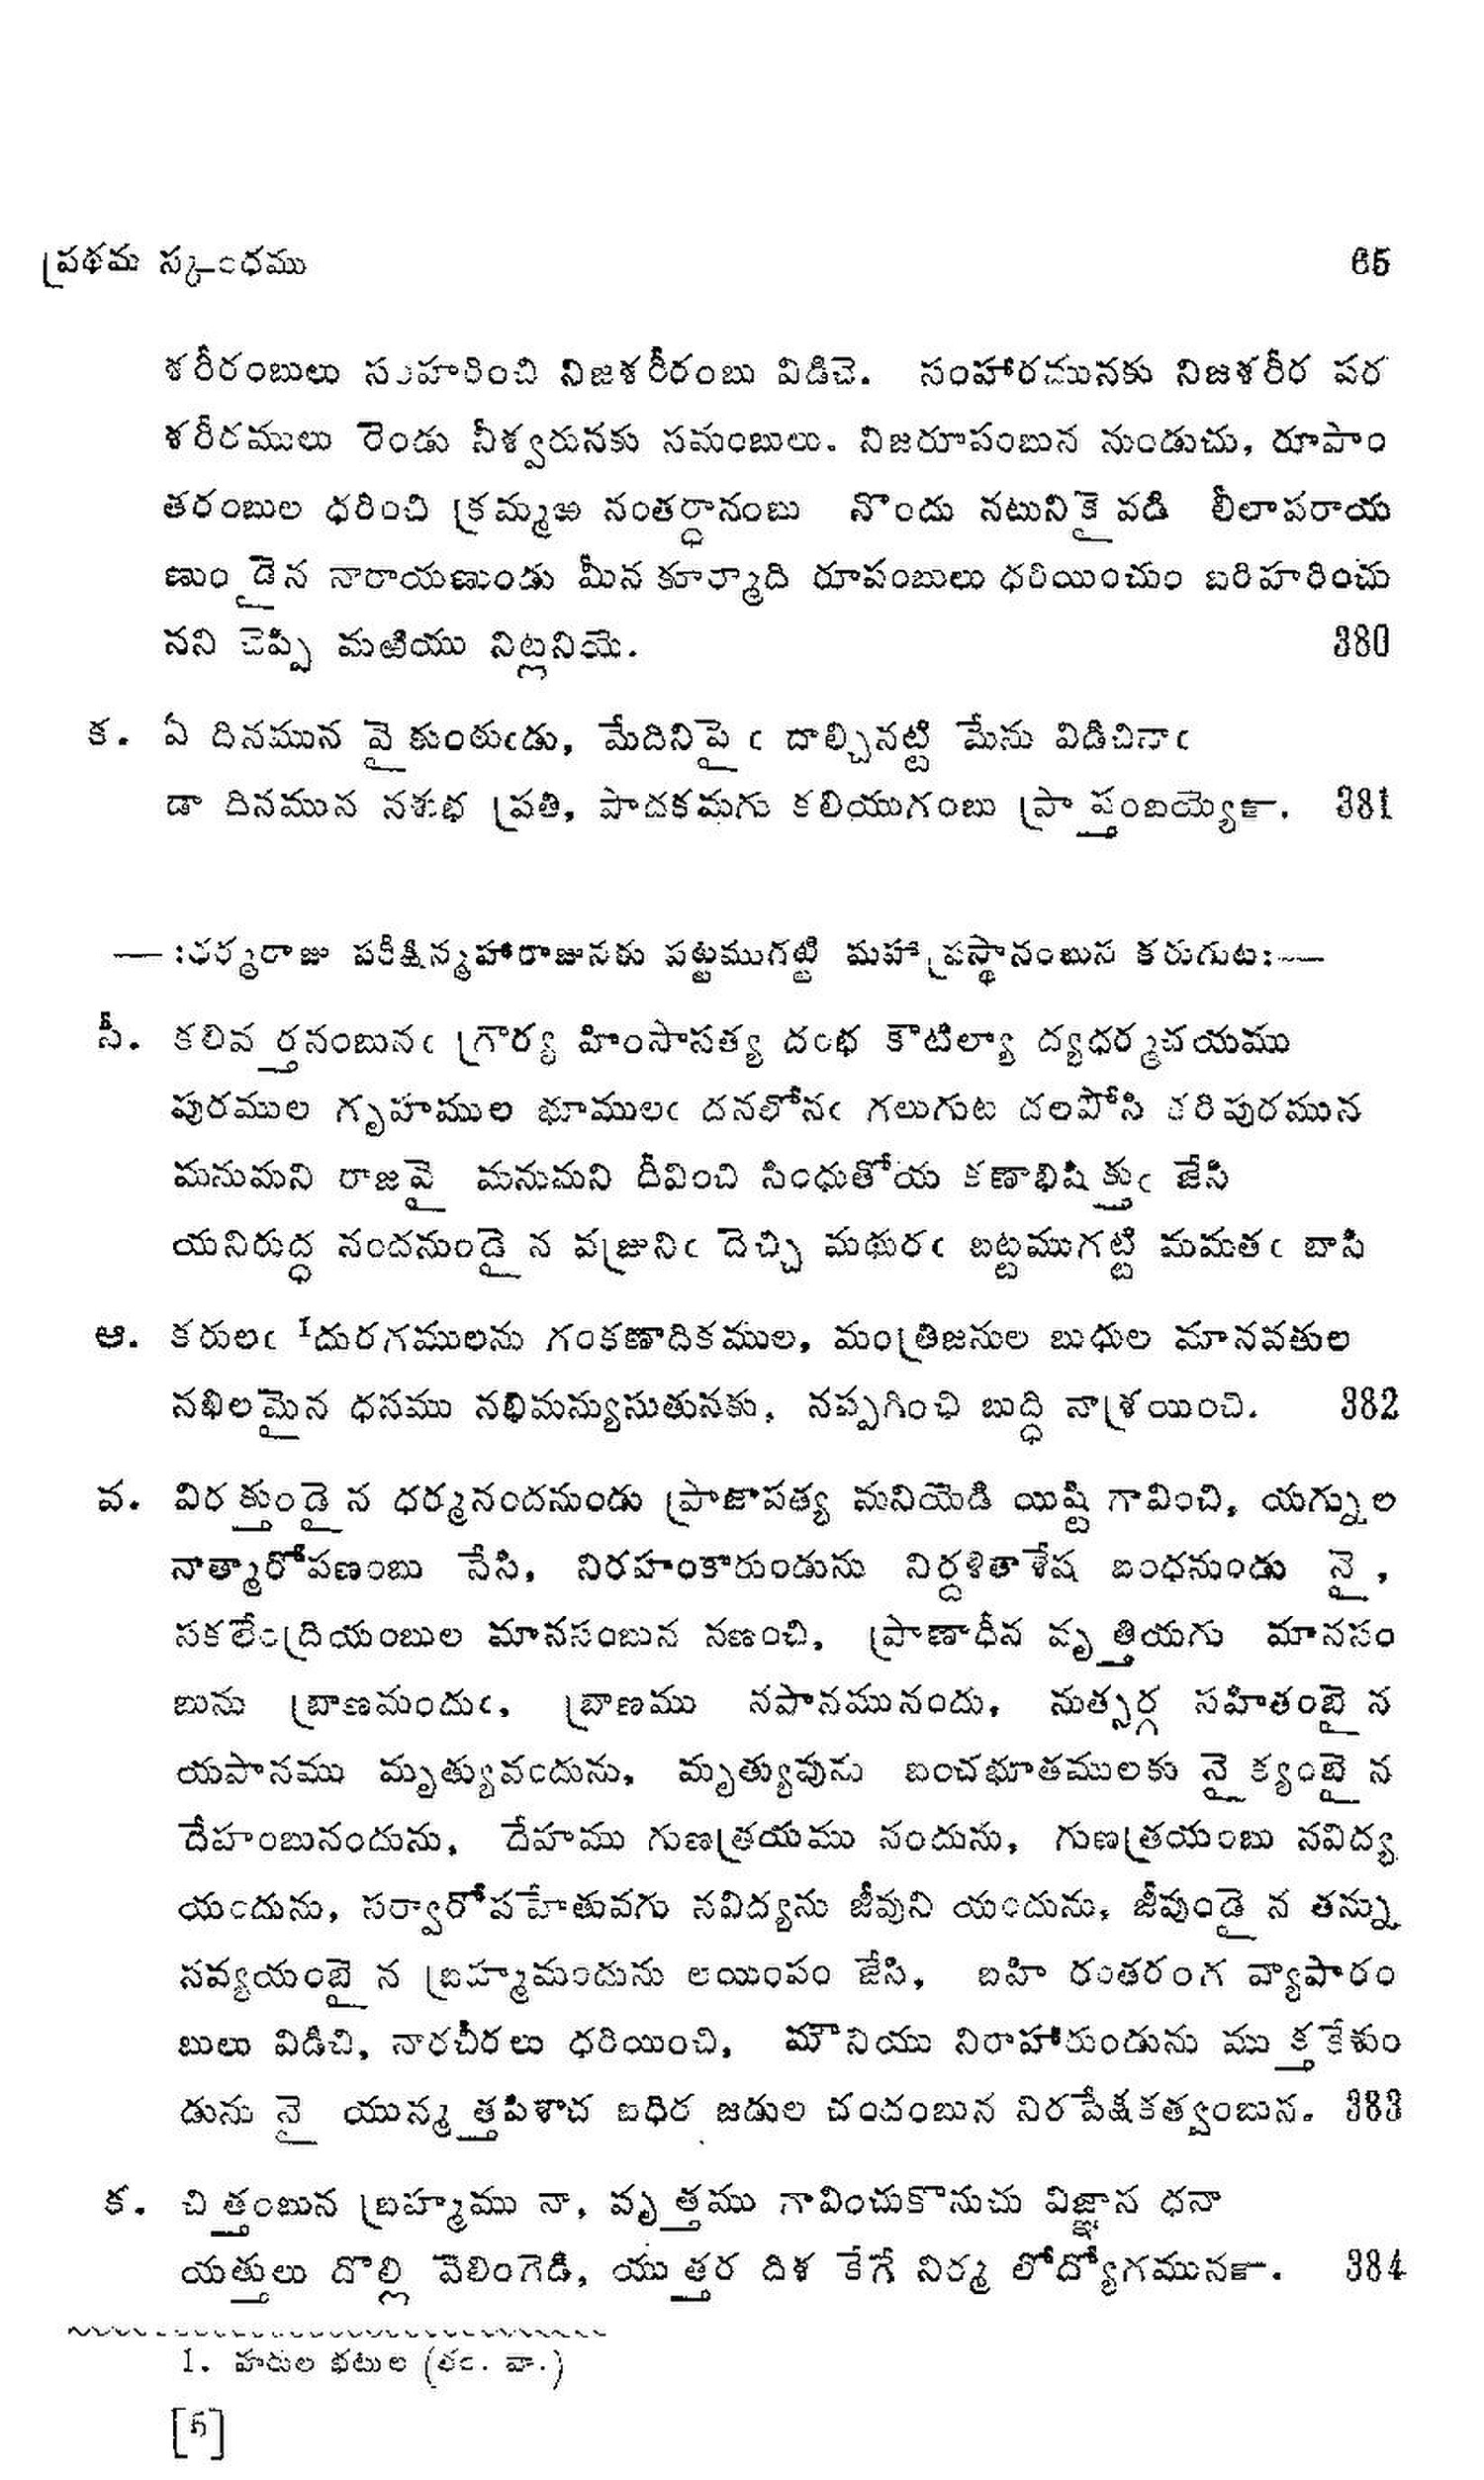65

శరీరంబులు సంహరించి నిజశరీరంబు విడిచె. సంహారమునకు నిజశరీర పరశరీరములు రెండు నీశ్వరునకు సమంబులు, నిజరూపంబున నుండుచు, రూపాంతరంబుల ధరించి క్రమ్మఱ నంతర్థానంబు నొందు నటునికైవడి లీలాపరాయణుండైన నారాయణుండు మీన కూర్మాది రూపంబులు ధరియించుం బరిహరించునని చెప్పి మఱియు నిట్లనియె. (380)

క. ఏ దినమున వైకుంఠుఁడు, మేదినిపైఁ దాల్చినట్టి మేను విడిచినాఁ 

డా దినమున నశుభ ప్రతి, పాదకమగు కలియుగంబు ప్రాప్తంబయ్యెన్. (381)

సీ. కలవర్తనంబునఁ గ్రౌర్య హింసాసత్య దంభ కౌటిల్యా ద్యధర్మచయము

పురముల గృహముల భూములఁ దనలోనఁ దలపోసి కరిపురమున 

మనుమని రాకవై మనుమని దీవించి సింధుతోయ కణాభిషిక్తుఁ జేసి

యనిరుద్ధ నందనుండైన వజ్రనిఁ దెచ్చె మథురఁ బట్టముగట్టి మమతఁ బాసి

ఆ. కరలఁ దురగములన గంకణాదికముల, మంత్రిజనుల బుధుల మానవతుల

నఖిలమై ధనము నభిమన్యుసుతునకు, నప్పగించి బుద్ధి నాశ్రయించి .(382)

వ. విరక్తండైన ధర్మనందనుండు ప్రాజాపత్య మనియెడి యిష్టి గావించి, యగ్నుల నాత్మారోపణంబు సేసి, నిరహంకారుండును నిర్దశితాశేష్ బంధనుండు నై, సకలేంద్రియంబుల మానసంబున నణంచి, ప్రాణాధీన వృత్తియగు మానసంబును బ్రాణమందుఁ, బ్రాణము నపానమునందు, నుత్సర్గ సహితంబైన యపానము మృత్యువందును, మృత్యువును బంచభూతములకు నైక్యంబైన దేహంబునందును, దేహము గుణత్రయము నందును, గుణత్రయంబు నవిద్య యందును, సర్వారోప హేతువగు నవిద్యను జీవిని యందును, జీవుండైన తన్నునవ్యయంబైన బ్రహ్మ మందును లయింపం జేసి, బహి రంతరంగ వ్యాపారంబులు విడిచి, నారచీరలు ధరియించి, మౌనియు నిరాహారుండును ముక్తకేశుండును నై యున్మత్తపిశాచ బధిర జడుల చందంబున నిరపేక్షకత్వంబున . (383) 

క. చిత్తంబున బ్రహ్మము నా, వృత్తము గావించుకొనుచు విజ్ఞాన ధనా

యత్తలు దొల్లి వెలింగెడి, యుత్తర దిశ కేగె నిర్మ లోద్యోగమునన్. (384)